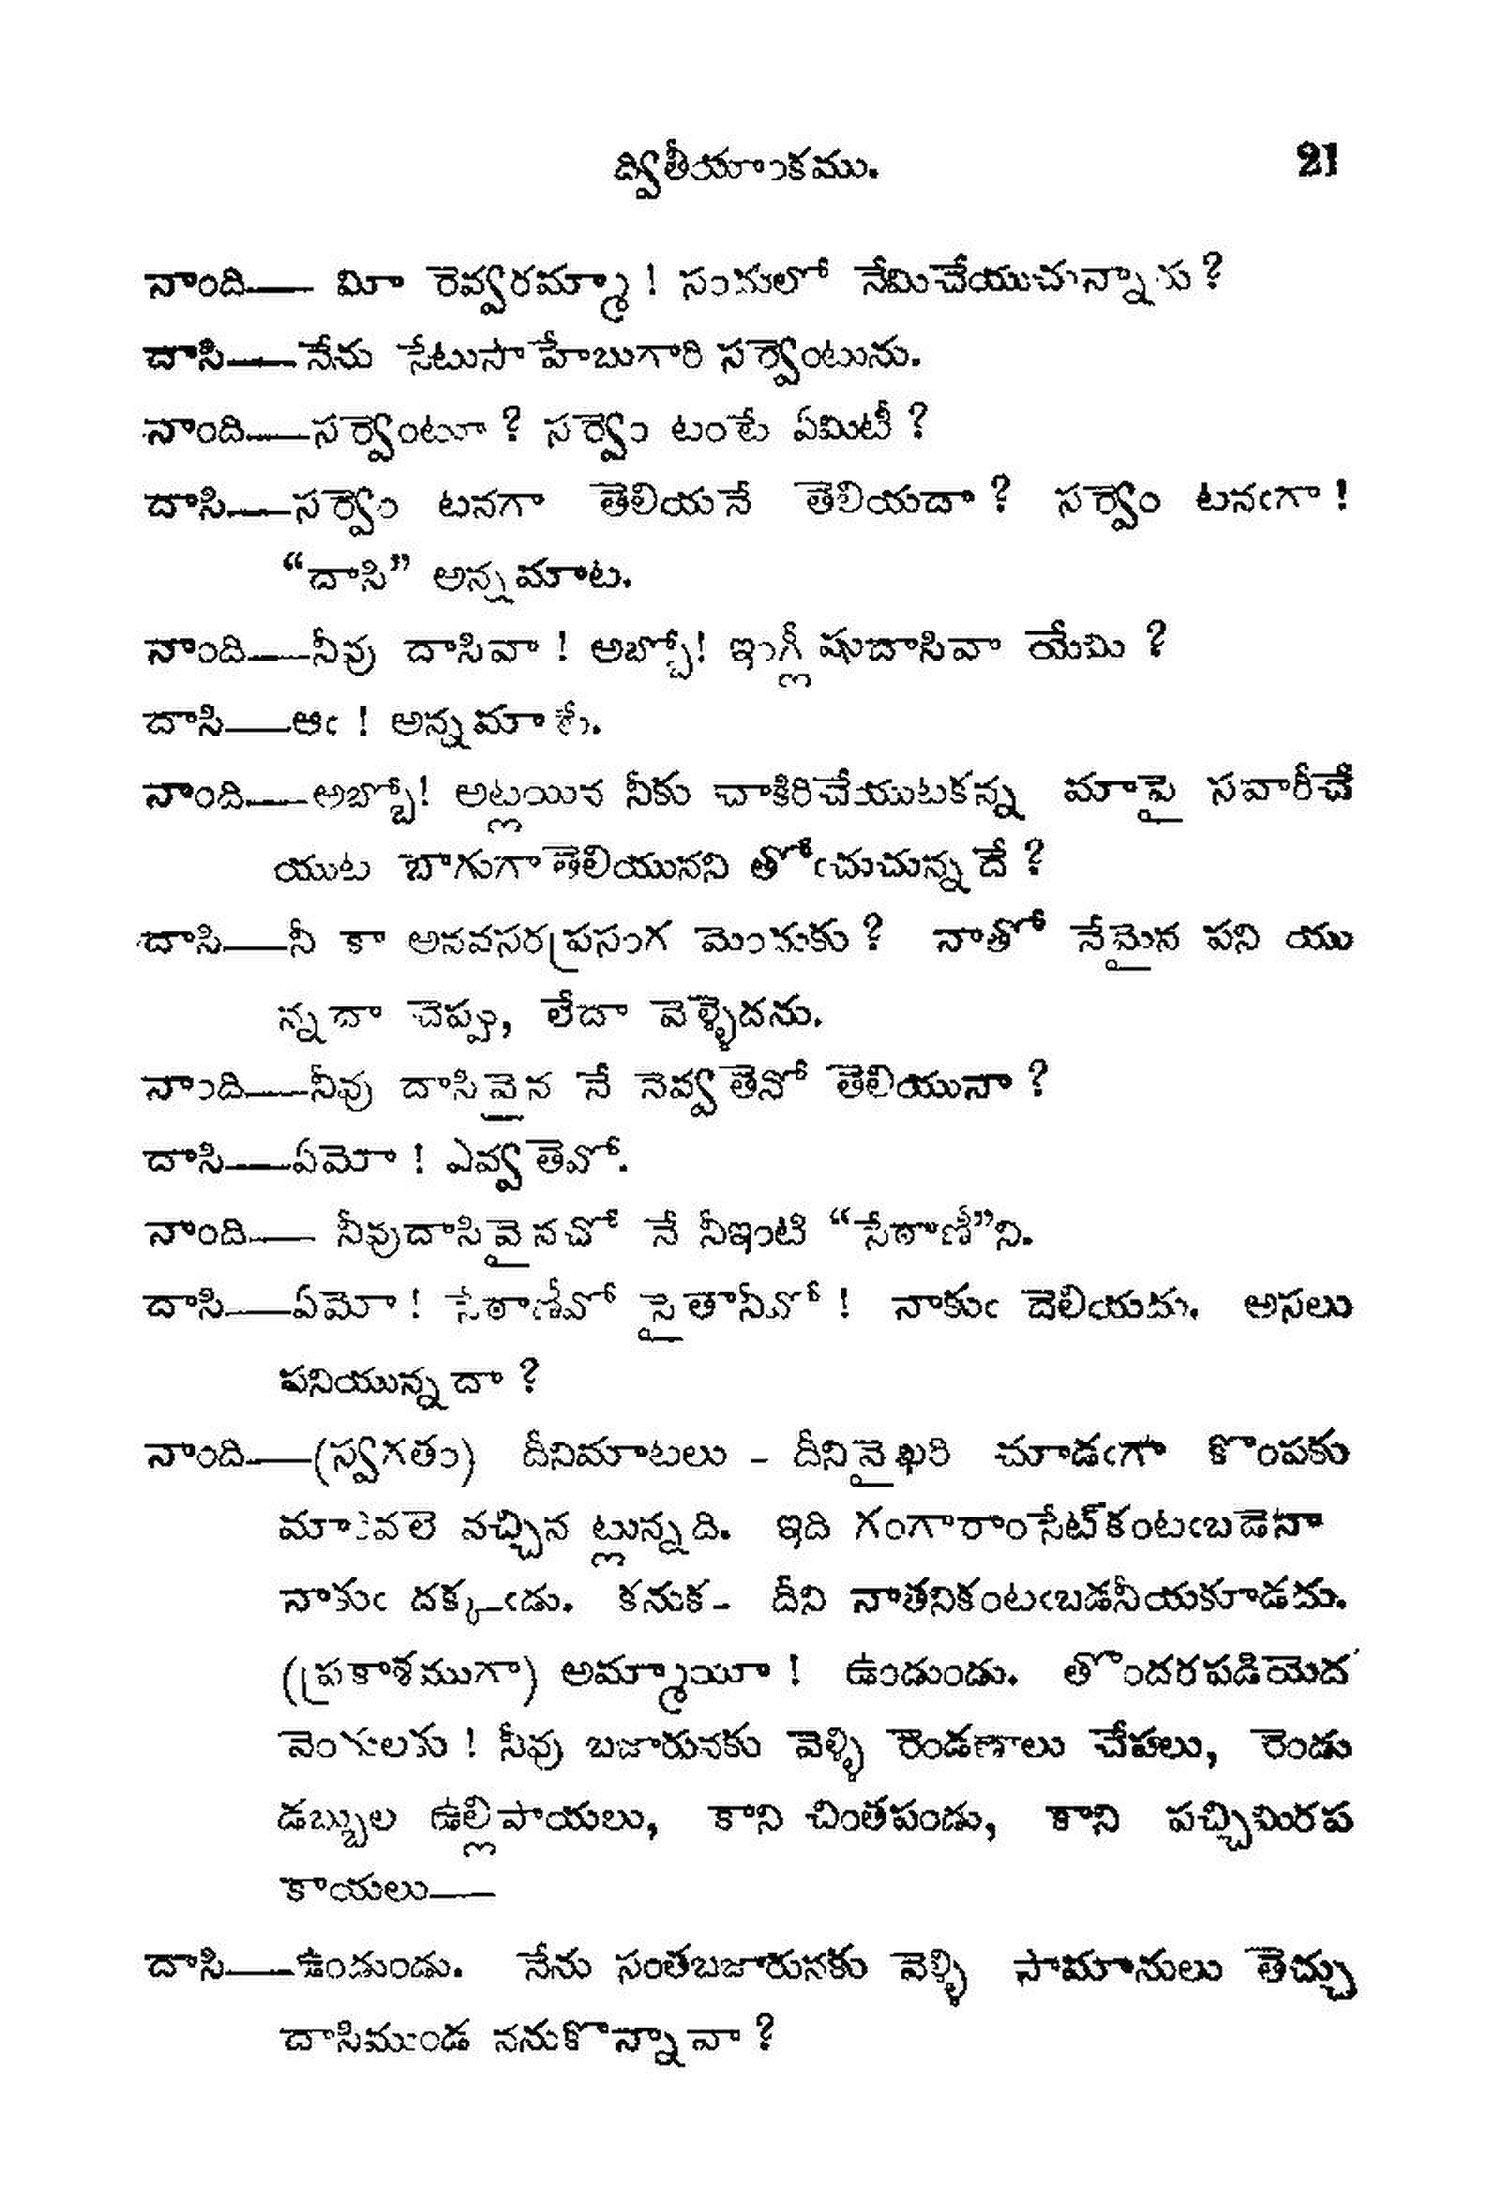నాంది — మీ రెవ్వరమ్మా ! సందులో నేమిచేయుచున్నారు ?

దాసి - నేను సేటుసాహేబుగారి సర్వెంటును.

నాంది - సర్వెంటూ ? సర్వెం టంటే ఏమిటీ ?

దాసి - సర్వెం టనగా తెలియనే తెలియదా ? సర్వెం టనఁగా ! "దాసి" అన్నమాట.

నాంది - నీవు దాసివా ! అబ్బో! ఇంగ్లీషుదాసివా యేమి ?

దాసి - -ఆఁ ! అన్నమాటే .

నాంది --- అబ్బో! అట్లయిన నీకు చాకిరిచేయుటకన్న మాపై సవారీచేయుట బాగుగాతెలియునని తోఁచుచున్న దే?

దాసి - నీ కా అనవసరప్రసంగ మెందుకు? నాతో నేమైన పని యున్నదా చెప్పు, లేదా వెళ్ళెదను.

నాంది - నీవు దాసివైన నే నెవ్వతెనో తెలియునా ?

దాసి - ఏమో ! ఎవ్వతెవో.

నాంది - నీవుదాసివైనచో నే నీఇంటి “సేఠాణీ”ని.

దాసి - ఏమో ! సేఠాణీవో సైతానీవో ! నాకుఁ దెలియదు. అసలు పనియున్నదా?

నాంది — (స్వగతం) దీనిమాటలు - దీనివైఖరి చూడఁగా కొంపకు మారివలె వచ్చిన ట్లున్నది. ఇది గంగారాంసేట్‌కంటఁబడెనా నాకుఁ దక్కఁడు. కనుక - దీని నాతనికంటఁబడనీయకూడదు.
( ప్రకాశముగా ) అమ్మాయీ ! ఉండుండు. తొందరపడియెద వెందులకు ! నీవు బజారునకు వెళ్ళి రెండణాలు చేపలు, రెండు డబ్బుల ఉల్లిపాయలు, కాని చింతపండు, కాని పచ్చిమిరపకాయలు-

దాసి - ఉండుండు. నేను సంతబజారుసకు వెళ్ళి సామానులు తెచ్చు దాసిముండ ననుకొన్నావా ?